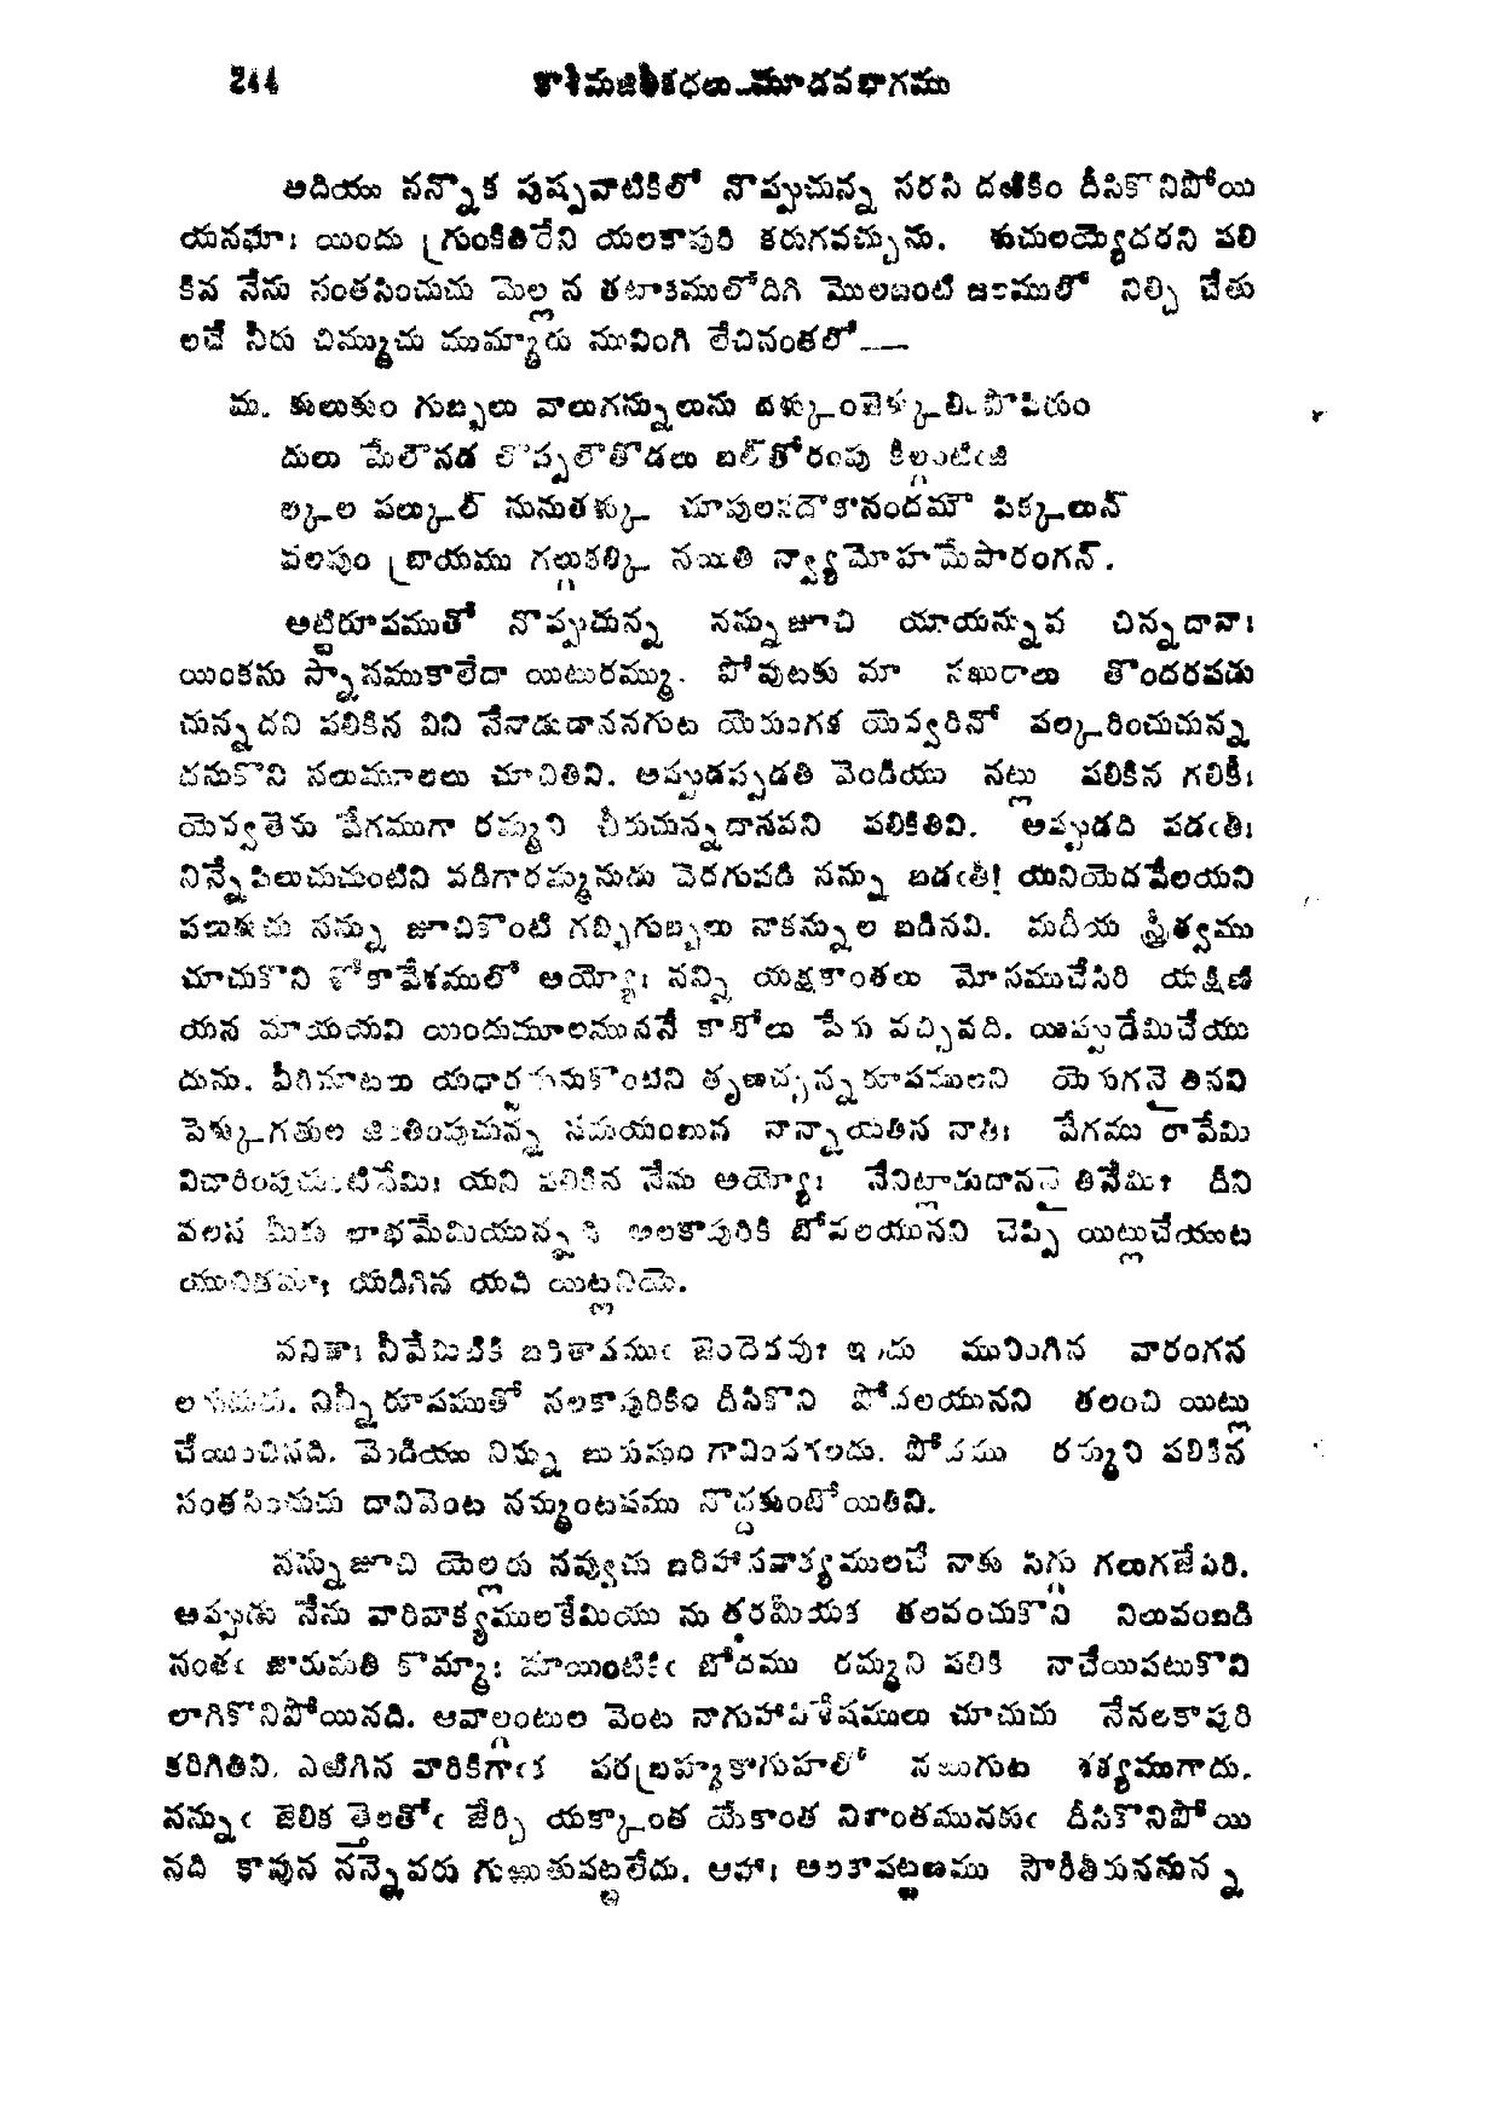అదియు నన్నొక పుష్పవాటికిలో నొప్పుచున్న సరసి దఱికిం దీసికొనిపోయి యనఘా! యిందు గ్రుంకితిరేని యలకాపురి కరుగవచ్చును. శుచులయ్యెదరని పలికిన నేను సంతసించుచు మెల్లన తటాకములో దిగి మొలబంటి జలములో నిల్చి చేతులచే నీరు చిమ్ముచు ముమ్మారు మునింగి లేచినంతలో ౼

మ. కులుకుం గుబ్బలు వాలుగన్నులును దళ్కుంజెక్కులింపౌపిరుం
 దులు మేలౌనడ లొప్పలౌతొడలు బల్‌తోరంపు కీల్గంటిఁజి
 ల్కల పల్కుల్ నునుతళ్కు చూపులసదౌకానందమౌ పిక్కలున్
 వలపుం బ్రాయము గల్గుకల్కి నయితి న్వ్యామోహమేపారంగన్ .
అట్టిరూపముతో నొప్పుచున్న నన్ను జూచి యాయన్నువ చిన్నదానా! యింకను స్నానముకాలేదా యిటురమ్ము. పోవుటకు మా సఖురాలు తొందరపడుచున్నదని పలికిన విని నేనాడుదాననగుట యెరుంగక యెవ్వరినో పల్కరించుచున్న దనుకొని నలుమూలలు చూచితిని. అప్పుడప్పడతి వెండియు నట్లు పలికిన గలికీ! యెవ్వతెను వేగముగా రమ్మని చీరుచున్న దానవని పలికితిని. అప్పు డది పడఁతీ! నిన్నే పిలుచుచుంటిని వడిగారమ్మనుడు వెరగుపడి నన్ను బడఁతీ! యనియెదవేల యని పలుకుచు నన్ను జూచికొంటి గబ్బిగుబ్బలు నాకన్నుల బడినవి. మదీయస్త్రీత్వము చూచుకొని శోకావేశములో అయ్యో! నన్ని యక్షకాంతలు మోసముచేసిరి యక్షిణి యన మాయయని యిందుమూలముననే కాబోలు పేరు వచ్చినది. యిప్పుడేమిచేయుదును. వీరిమాటలు యథార్థమనుకొంటిని తృణచ్చన్నకూపములని యెరుగనైతినని పెక్కుగతుల జింతింపుచున్న సమయంబున నాన్నాయతిన నాతి! వేగము రావేమి విచారింపుచుంటి వేమి! యని పలికిన నేను అయ్యో! నేనిట్లాడుదాననై తినేమి? దీని వలన మీకు లాభమేమియున్నది అలకాపురికి బోవలయునని చెప్పి యిట్లుచేయుట యుచితమా? యడిగిన యది యిట్లనియె.

వనితా! నీవేమిటికి బరితాపముఁ జెందెదవు? ఇందు మునింగినవా రంగన లగుదురు. నిన్నీ రూపముతో నలకాపురికిం దీసికొనిపోవలయునని తలంచి యిట్లు చేయించినది. వెండియు నిన్ను బురుషుం గావింపగలదు. పోదము రమ్మని పలికిన సంతసించుచు దానివెంట నమ్మంటపము నొద్దకుంబోయితిని.

నన్నుజూచి యెల్లరు నవ్వుచు బరిహాసవాక్యములచే నాకు సిగ్గు గలుగజేసిరి. అప్పుడు నేను వారివాక్యములకేమియు నుత్తరమీయక తలవంచుకొని నిలువంబడి నంతఁ జారుమతి కొమ్మా! మాయింటికిఁ బోదము రమ్మని పలికి నాచేయిపట్టుకొని లాగికొనిపోయినది. ఆవాల్గంటుల వెంట నాగుహావిశేషములు చూచుచు నేనలకాపురి కరిగితిని. ఎఱిగినవారికిగాఁక పరబ్రహ్మ కాగుహలో నఱుగుట శక్యముగాదు. నన్నుఁ జెలికత్తెలతోఁ జేర్చి యక్కాంత యేకాంతనిశాంతమునకుఁ దీసికొనిపోయినది కావున నన్నెవరు గుఱుతుపట్టలేదు. ఆహా! అలకాపట్టణము సౌరీతీరుననున్న